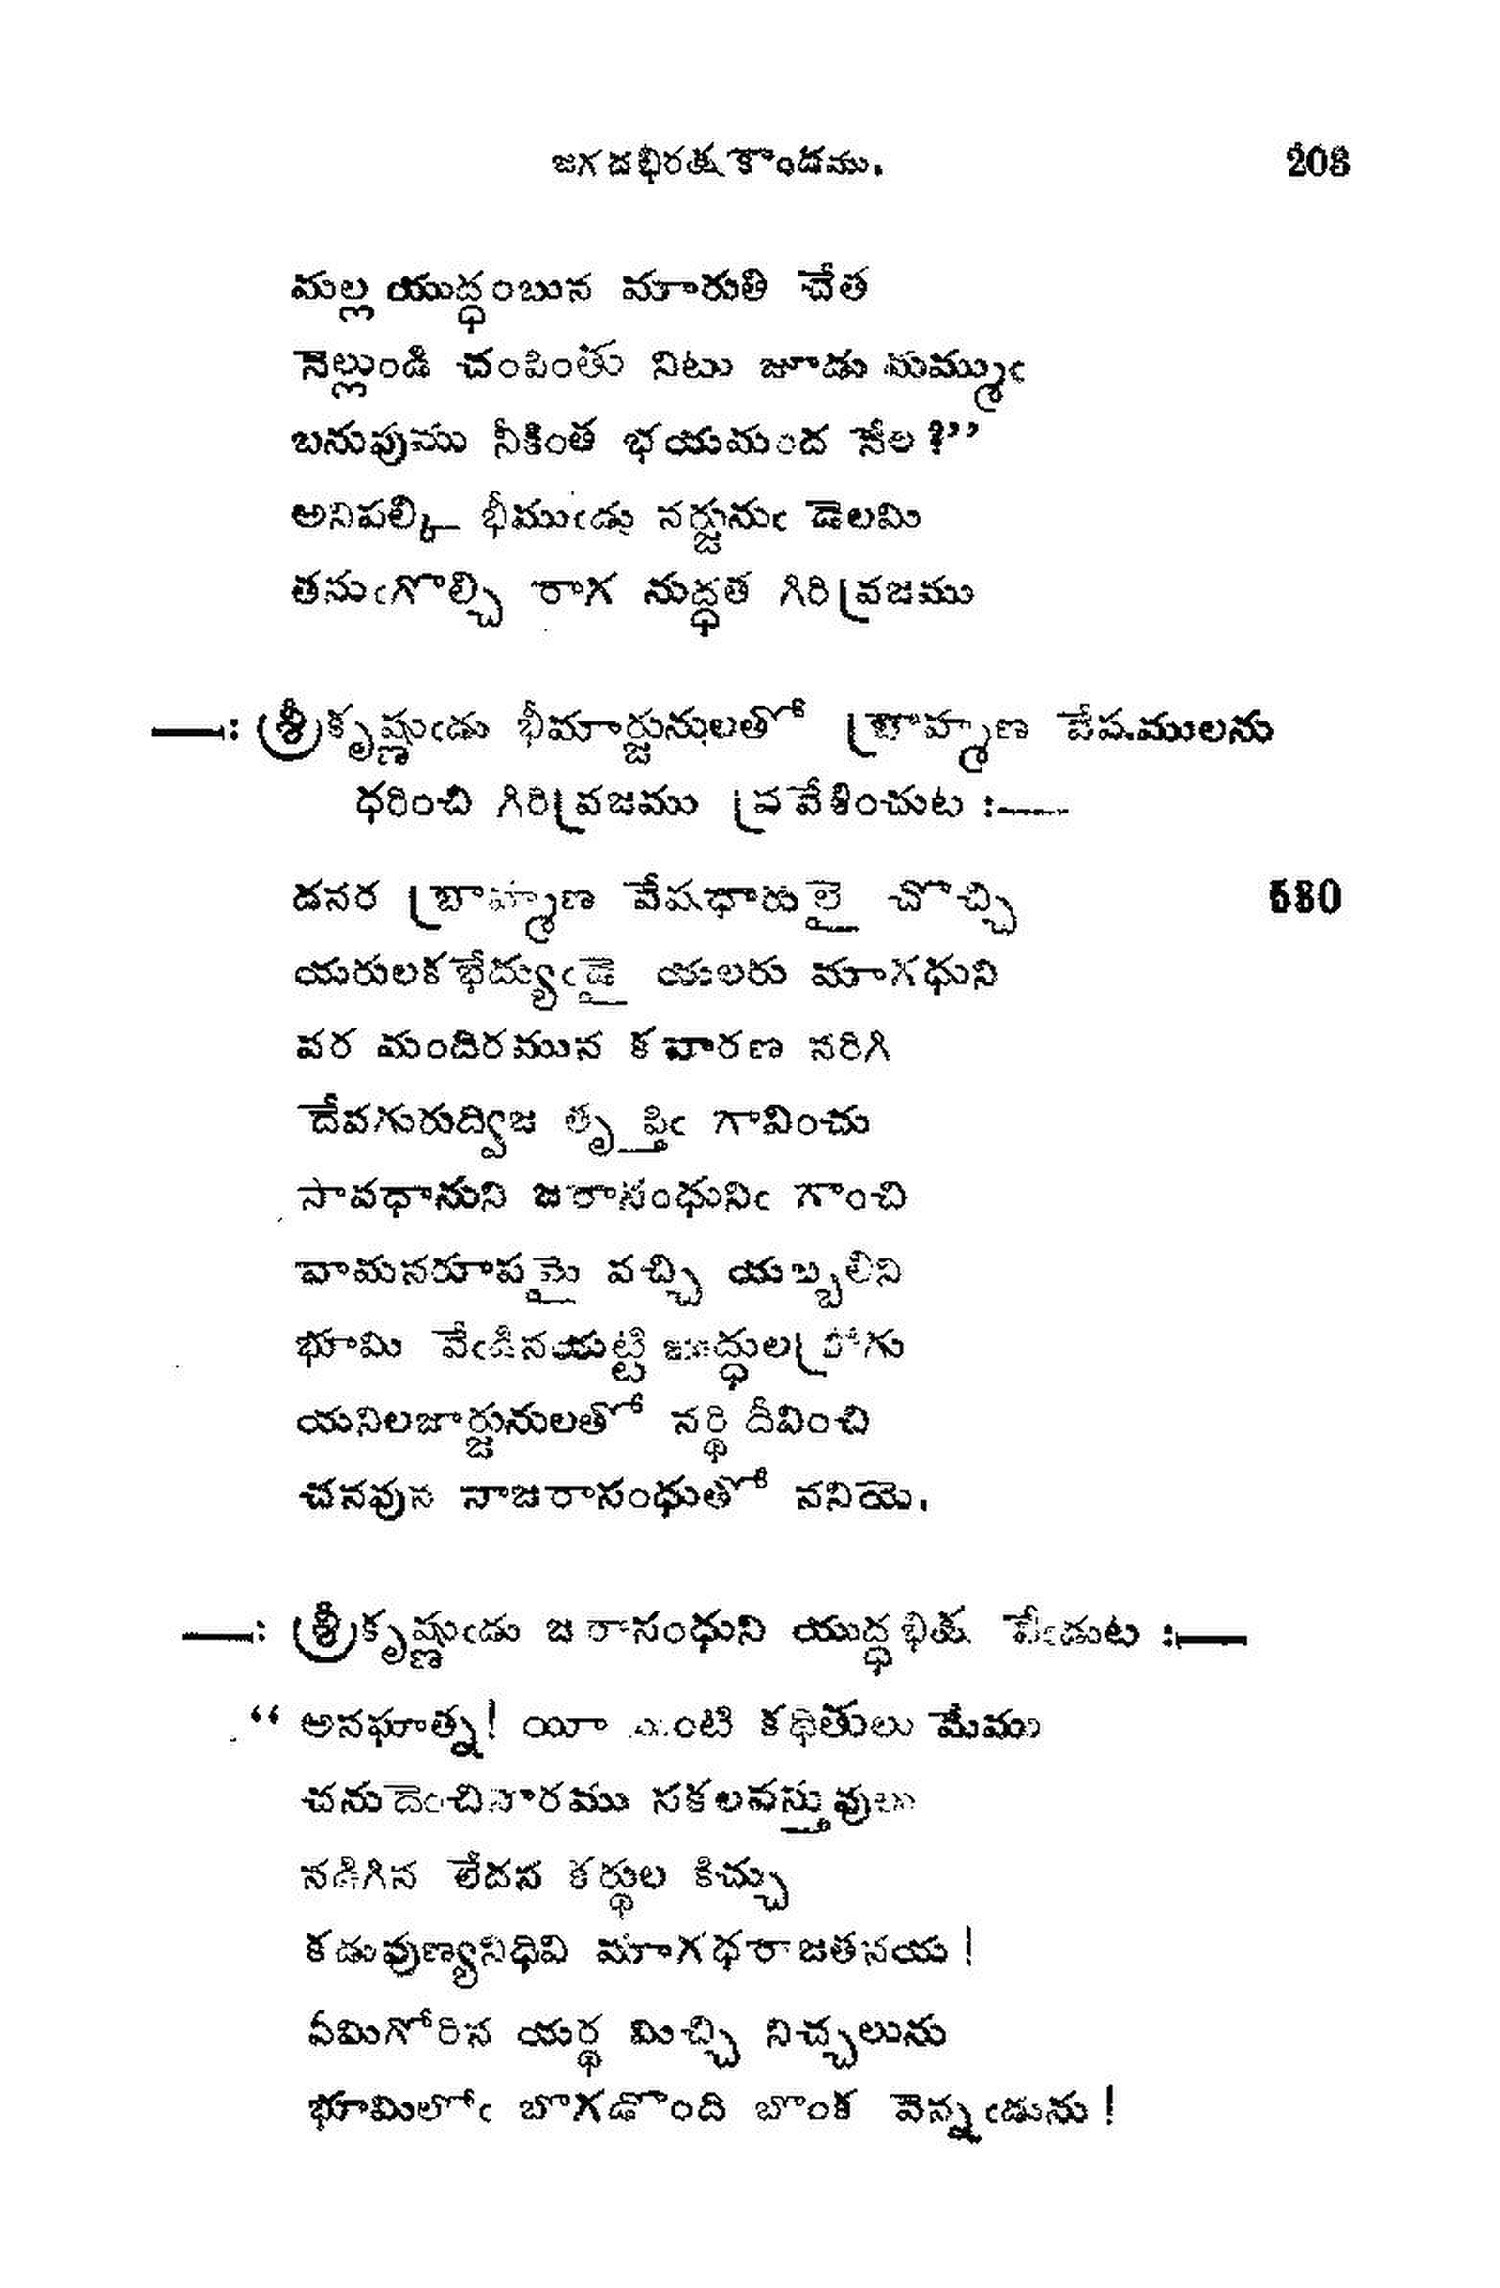మల్ల యుద్ధంబున మారుతిచేత
నెల్లుండి చంపింతు నిటు జూడు మమ్ముఁ
బనుపుము నీకింత భయమంద నేల?” 
అనిపల్కి భీముఁడు నర్జునుఁ డెలమి
తనుఁగొల్చి రాగ నుద్ధత గిరివ్రజము

దనర బ్రాహ్మణ వేషధారులై చొచ్చి 
యరులకభేద్యుఁడై యలరు మాగధుని 
వర మందిరమున కవారణ నరిగి
దేవగురుద్విజ తృప్తిఁ గావించు
సావధానుని జరాసంధునిఁ గాంచి 
వామనరూపమై వచ్చి యబ్బలిని
భూమి వేఁడినయట్టి బుద్ధులప్రోగు
యనిలజార్జునులతో నర్థి దీవించి
చనవున నాజరాసంధుతో ననియె.
 

“అనఘాత్మ! యీయింటి కథితులు మేము
చనుదెంచినారము సకలవస్తువులు
నడిగిన లేదన కర్థుల కిచ్చు
కడుపుణ్యనిధివి మాగధరాజతనయ! 
ఏమిగోరిన యర్థ మిచ్చి నిచ్చలును
భూమిలోఁ బొగడొంది బొంకవెన్నఁడును!